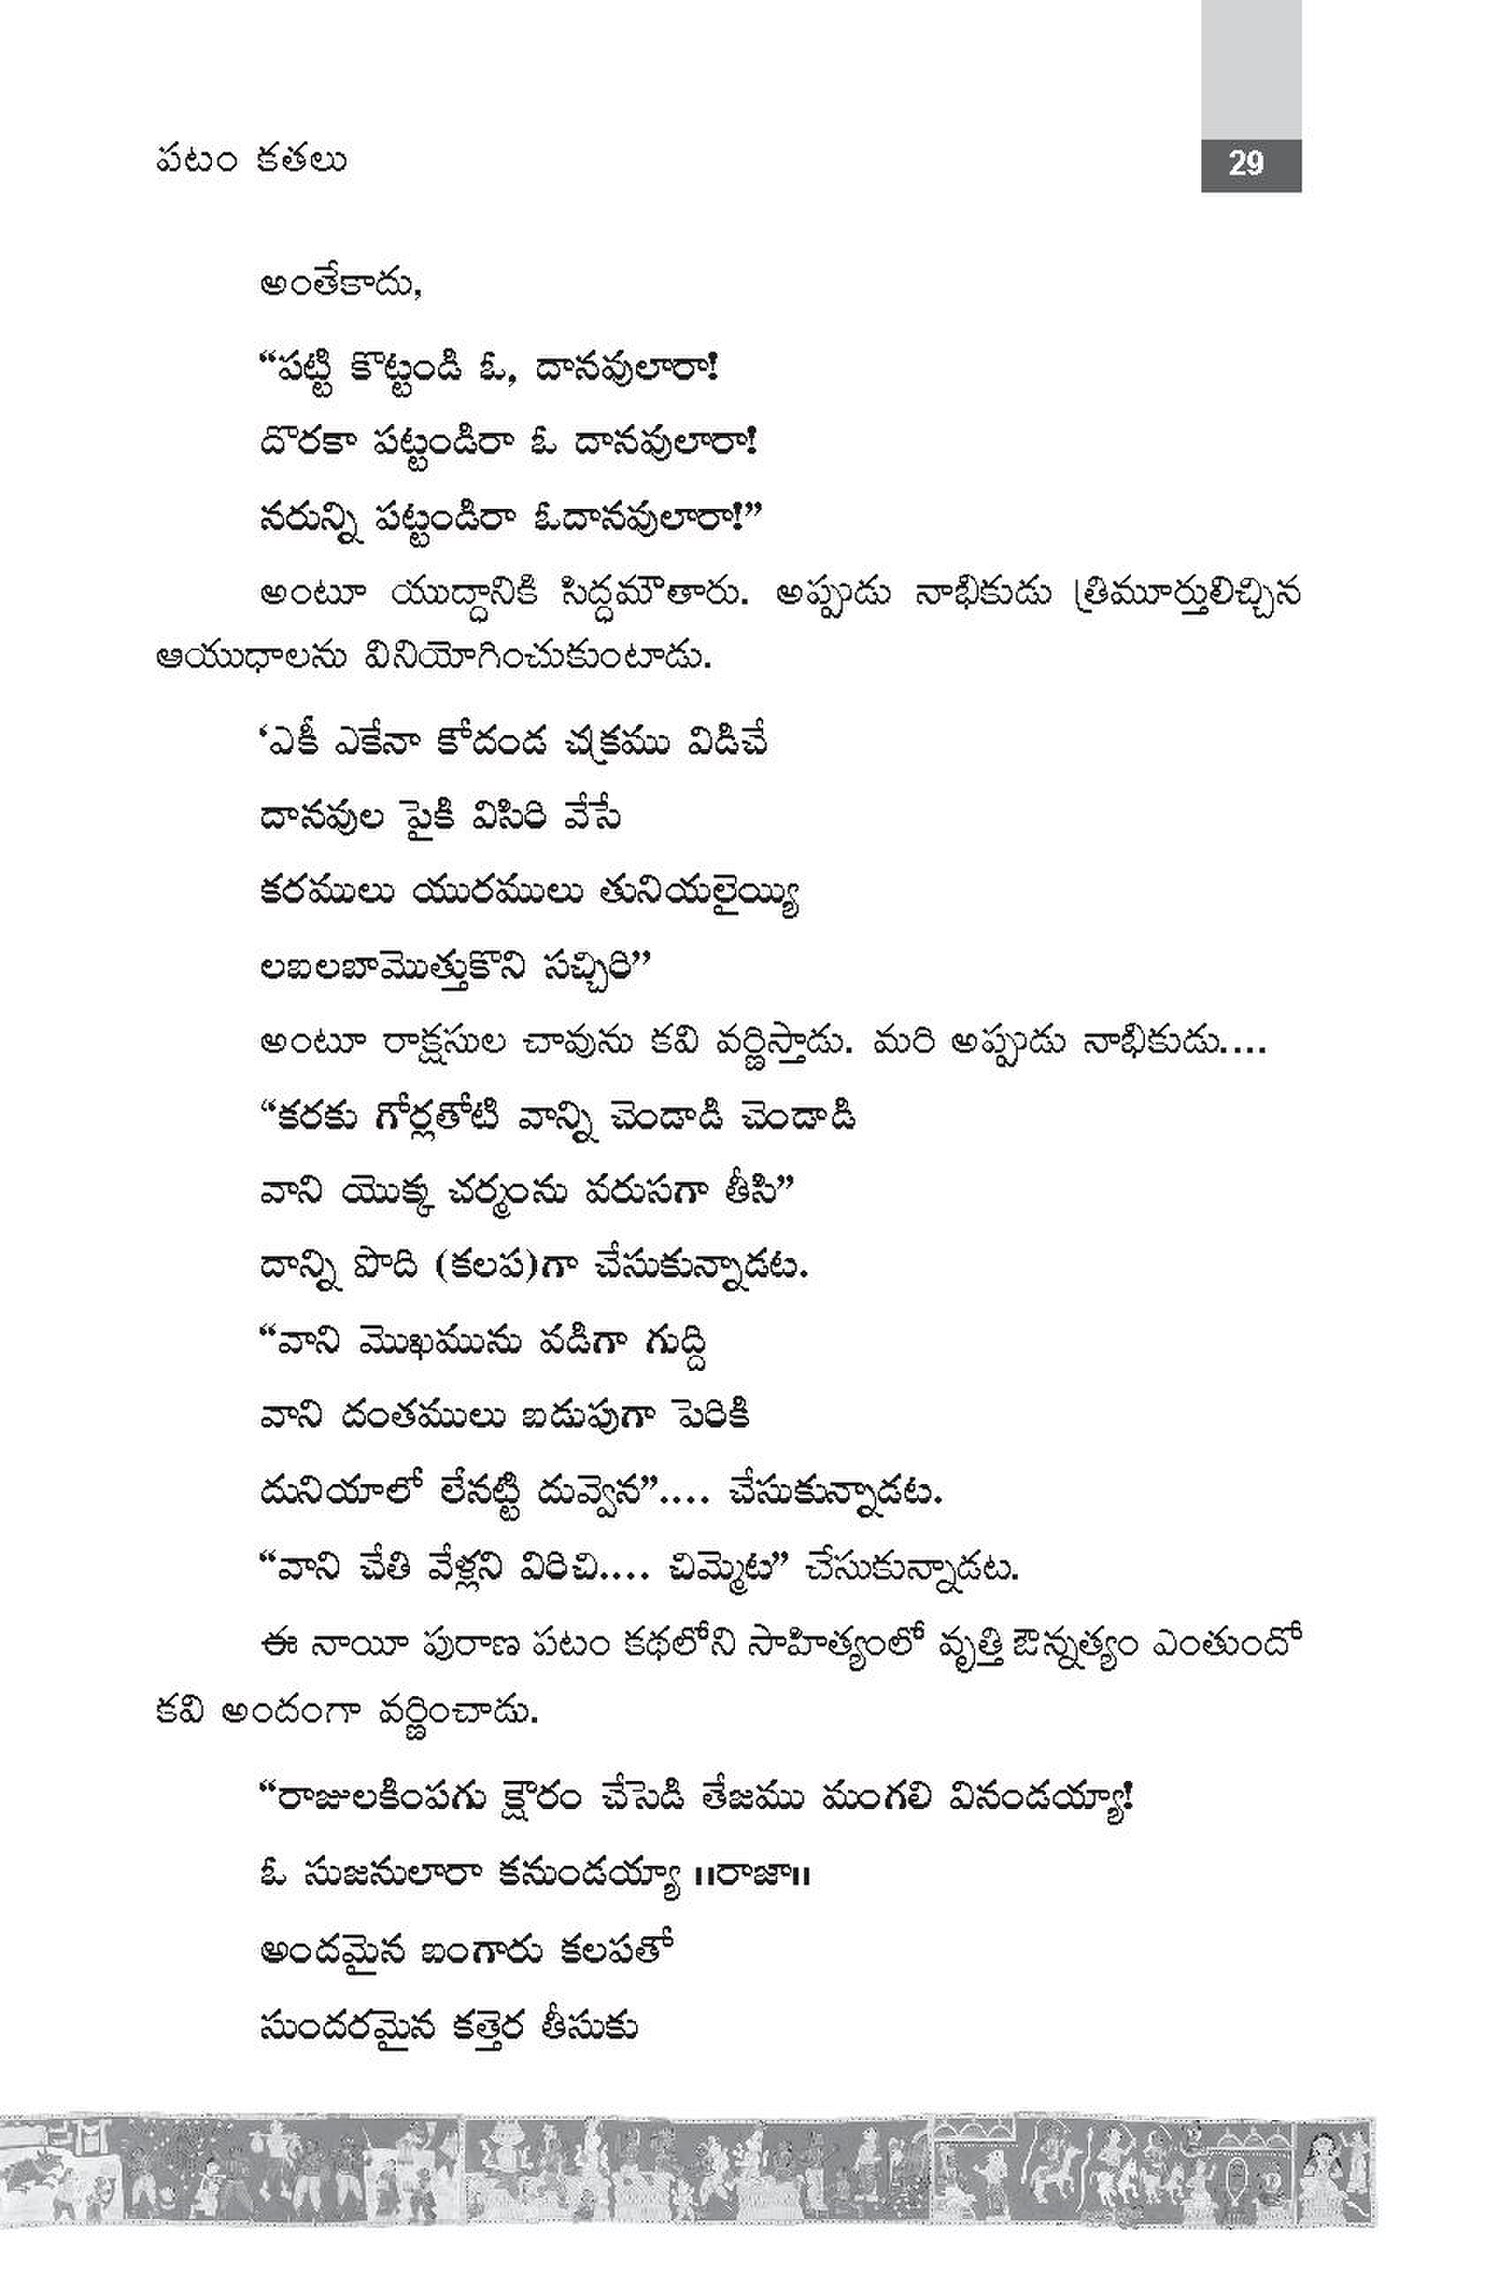అంతేకాదు,

"పట్టి కొట్టండి ఓ, దానవులారా!
దొరక పట్టండిరా ఓ దానవులారా!
నరున్ని పట్టండిరా ఓదానవులారా!”

అంటూ యుద్ధానికి సిద్ధమౌతారు. అప్పుడు నాభికుడు త్రిమూర్తులిచ్చిన ఆయుధాలను వినియోగించుకుంటాడు.

'ఎకీ ఎకేనా కోదండ చక్రము విడిచే
దానవుల పైకి విసిరి వేసే
కరములు యురములు తునియలైయ్యి
లఐలబామొత్తుకొని సచ్చిరి”

అంటూ రాక్షసుల చావును కవి వర్ణిస్తాడు. మరి అప్పుడు నాభికుడు....

"కరకు గోర్లతోటి వాన్ని చెండాడి చెందాడి.
వాని యొక్క చర్మంను వరుసగా తీసి"
దాన్ని పొది (కలప)గా చేసుకున్నాడట.
"వాని మొఖమును వడిగా గుద్ది
వాని దంతములు ఐదుపుగా పెరికి
దునియాలో లేనట్టి దువ్వెన".... చేసుకున్నాడట.
"వాని చేతి వేళ్లని విరిచి.... చిమ్మెట” చేసుకున్నాడట.

ఈ నాయీ పురాణ పటం కథలోని సాహిత్యంలో వృత్తి ఔన్నత్యం ఎంతుందో కవి అందంగా వర్ణించాడు.

"రాజులకింపగు క్షౌరం చేసెడి తేజము మంగలి వినండయ్యా!
ఓ సుజనులారా కనుండయ్యా ౹౹రాజా౹౹
అందమైన బంగారు కలపతో
సుందరమైన కత్తెర తీసుకు